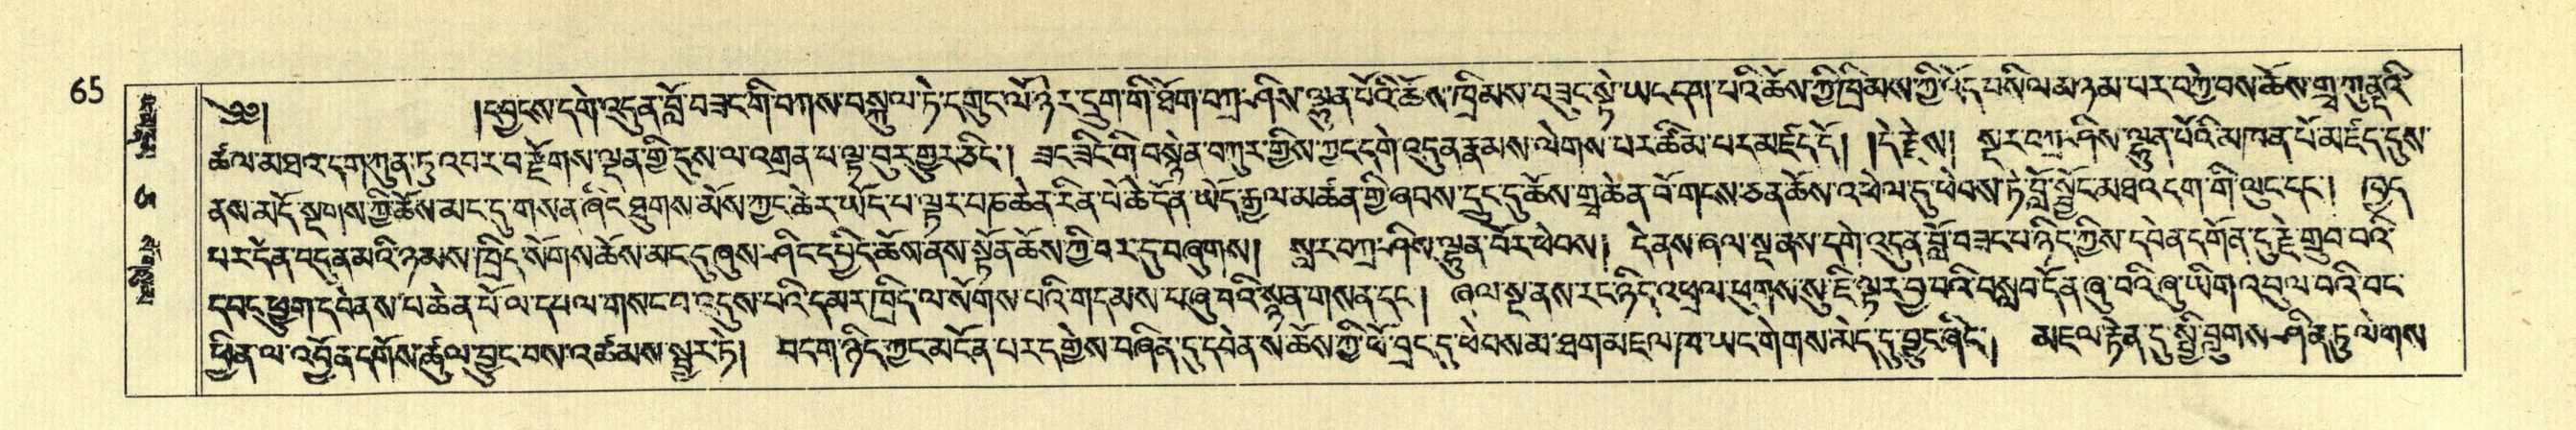༄༅། །དབྱངས་དགེ་འདུན་བློ་བཟང་གི་བཀས་བསྐུལ་ཏེ་དགུང་ལོ་ཉེར་དྲུག་གི་ཐོག་བཀྲ་ཤིས་ལྷུན་པོའི་ཆོས་ཁྲིམས་བཟུང་སྟེ་ཡང་དག་པའི་ཆོས་ཀྱི་ཁྲིམས་ཀྱི་འོད་བསིལ་མཉམ་པར་བཀྱེ་བས་ཆོས་གྲྭ་ཀུནྡའི་
ཚལ་མཐའ་དག་ཀུན་ཏུ་འབར་བ་རྫོགས་ལྡན་གྱི་དུས་ལ་འགྲན་པ་ལྟ་བུར་གྱུར་ཅིང་། ཟང་ཟིང་གི་བསྙེན་བཀུར་གྱིས་ཀྱང་དགེ་འདུན་རྣམས་ལེགས་པར་ཚིམ་པར་མཛད་དོ། །དེ་རྗེས། སྔར་བཀྲ་ཤིས་ལྷུན་པོའི་མཁན་པོ་མཛད་དུས་
ནས་མདོ་སྔགས་ཀྱི་ཆོས་མང་དུ་གསན་ཞིང་ཐུགས་མོས་ཀྱང་ཆེར་ཡོད་པ་ལྟར་པཎ་ཆེན་རིན་པོ་ཆེ་དོན་ཡོད་རྒྱལ་མཚན་གྱི་ཞབས་དྲུང་དུ་ཆོས་གྲྭ་ཆེན་པོ་གངས་ཅན་ཆོས་འཕེལ་དུ་ཕེབས་ཏེ་བློ་སྦྱོང་མཐའ་དག་གི་ལུང་དང་། ཁྱད་
པར་དོན་བདུན་མའི་ཉམས་ཁྲིད་སོགས་ཆོས་མང་དུ་ཞུས་ཤིང་དཔྱིད་ཆོས་ནས་སྟོན་ཆོས་ཀྱི་བར་དུ་བཞུགས། སླར་བཀྲ་ཤིས་ལྷུན་བོར་ཕེབས། དེ་ནས་ཞལ་སྔ་ནས་དགེ་འདུན་བློ་བཟང་པ་ཉིད་ཀྱིས་དབེན་དགོན་དུ་རྗེ་གྲུབ་བའི་
དབང་ཕྱུག་དབེན་ས་པ་ཆེན་པོ་ལ་དཔལ་གསང་བ་འདུས་པའི་དམར་ཁྲིད་ལ་སོགས་པའི་གདམས་པ་ཞུ་བའི་སྙན་གསན་དང་། ཞལ་སྔ་ནས་རང་ཉིད་འཕྲལ་ཕུགས་སུ་ཇི་ལྟར་བྱ་བའི་བསླབ་དོན་ཞུ་བའི་ཞུ་ཡིག་འབུལ་བའི་བང་
ཕྱིན་ལ་འབྱོན་དགོས་ཚུལ་བྱུང་བས་འཚམས་སྦྱར་ཏེ། བདག་ཉིད་ཀྱང་མངོན་པར་དགྱེས་བཞིན་དུ་དབེན་ས་ཆོས་ཀྱི་ཕོ་བྲང་དུ་ཕེབས་མ་ཐག་མཇལ་ཁ་ཡང་གེགས་མེད་དུ་བྱུང་ཞིང་། མཇལ་རྟེན་དུ་སྤྱི་བླུགས་ཤིན་ཏུ་ལེགས་